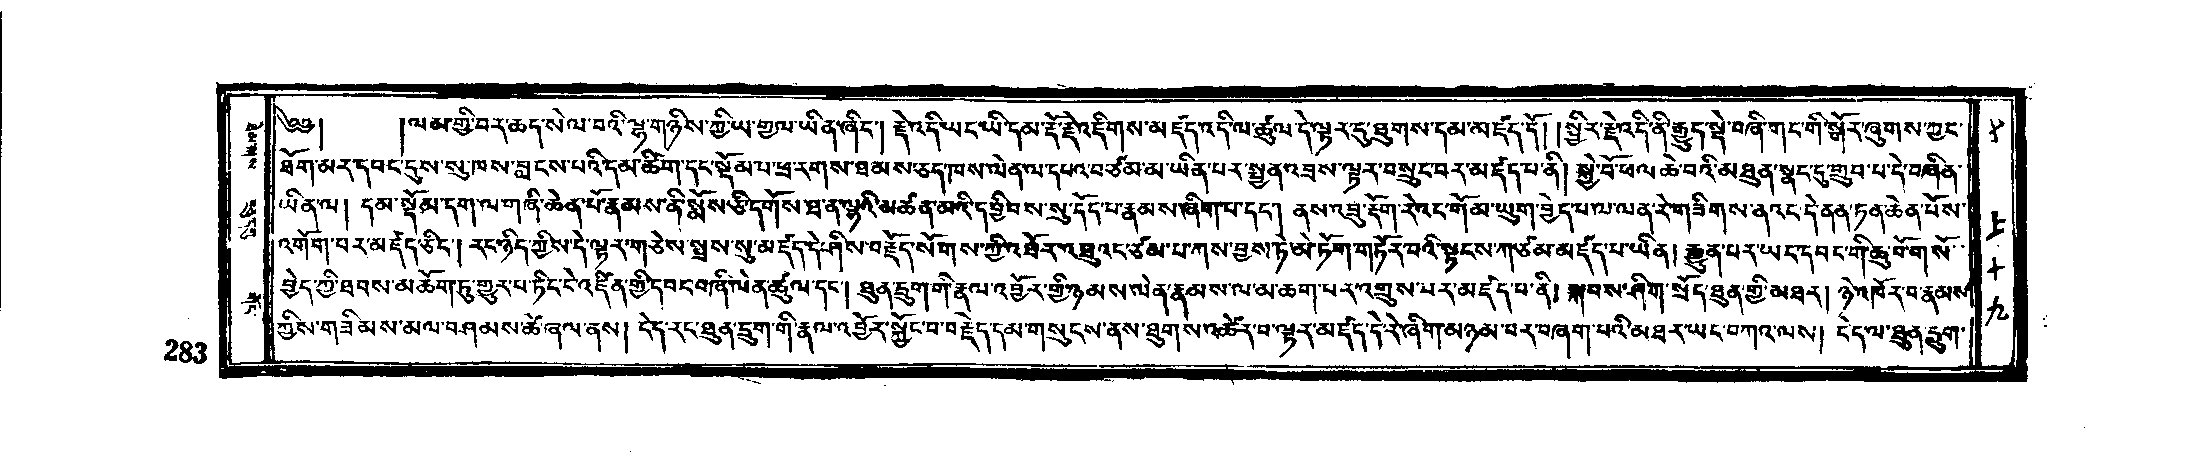༄༅། །ལམ་གྱི་བར་ཆད་སེལ་བའི་ལྷ་གཉིས་ཀྱི་ཡ་གྱལ་ཡིན་ཞིང་། རྗེ་འདི་ཡང་ཡི་དམ་རྡོ་རྗེ་འཇིགས་མཛད་འདི་ལ་ཚུལ་དེ་ལྟར་དུ་ཐུགས་དམ་མཛད་དོ། །སྤྱིར་རྗེ་འདི་ནི་རྒྱུད་སྡེ་བཞི་གང་གི་སྒོར་ཞུགས་ཀྱང་
ཐོག་མར་དབང་དུས་སུ་ཁས་བླངས་པའི་དམ་ཚིག་དང་སྡོམ་པ་ཕྲ་རགས་ཐམས་ཅད་ཁས་ལེན་ལ་དཔའ་བ་ཙམ་མ་ཡིན་པར་སྤྱན་འབྲས་ལྟར་བསྲུང་བར་མཛད་པ་ནི། སྐྱེ་བོ་ཕལ་ཆེ་བའི་མཐུན་སྣང་དུ་གྲུབ་པ་དེ་བཞིན་
ཡིན་ལ། དམ་སྡོམ་དག་ལ་གཞི་ཆེན་པོ་རྣམས་ནི་སྨོས་ཅི་དགོས་ཐ་ན་ལྷའི་མཚན་མའི་དབྱིབས་སུ་དོད་པ་རྣམས་ཞིག་པ་དང་། ནས་འབྲུ་རྡོག་རེའང་གོམ་ཡུག་བྱེད་པ་ལ་ལན་རེ་གཟིགས་ནའང་དེ་ནན་ཏན་ཆེན་པོས་
འགོག་པར་མཛད་ཅིང་། རང་ཉིད་ཀྱིས་དེ་ལྟར་གཅེས་སྤྲས་སུ་མཛད་དེ་ཤིས་བརྗོད་སོགས་ཀྱི་འཐོར་འཐུའང་ཙམ་པ་ཀས་བྱས་ཏེ་མེ་ཏོག་གཏོར་བའི་སྟངས་ཀ་ཙམ་མཛད་པ་ཡིན། རྒྱུན་པར་ཡང་དབང་གི་ཆུ་བོ་གསོ་
བྱེད་ཀྱི་ཐབས་མཆོག་ཏུ་གྱུར་པ་ཏིང་ངེ་འཛིན་གྱི་དབང་བཞི་ལེན་ཚུལ་དང་། ཐུན་དྲུག་གི་རྣལ་འབྱོར་གྱི་ཉམས་ལེན་རྣམས་ལ་མ་ཆག་པར་འགྲུས་བར་མཛད་པ་ནི། སྐབས་ཤིག་སྲོད་ཐུན་གྱི་མཐར་།ཉེ་འཁོར་བ་རྣམས་
ཀྱིས་གཟིམས་མལ་བཤམས་ཚེ་ཞལ་ནས། ངེད་རང་ཐུན་དྲུག་གི་རྣལ་འབྱོར་སྐྱོང་བ་བརྗེད་དམ་གསུངས་ནས་ཐུགས་འཚེར་བ་ལྟར་མཛད་དེ་རེ་ཞིག་མཉམ་པར་བཞག་པའི་མཐར་ཡང་བཀའ་ལས། ངེད་ལ་ཐུན་དྲུག་